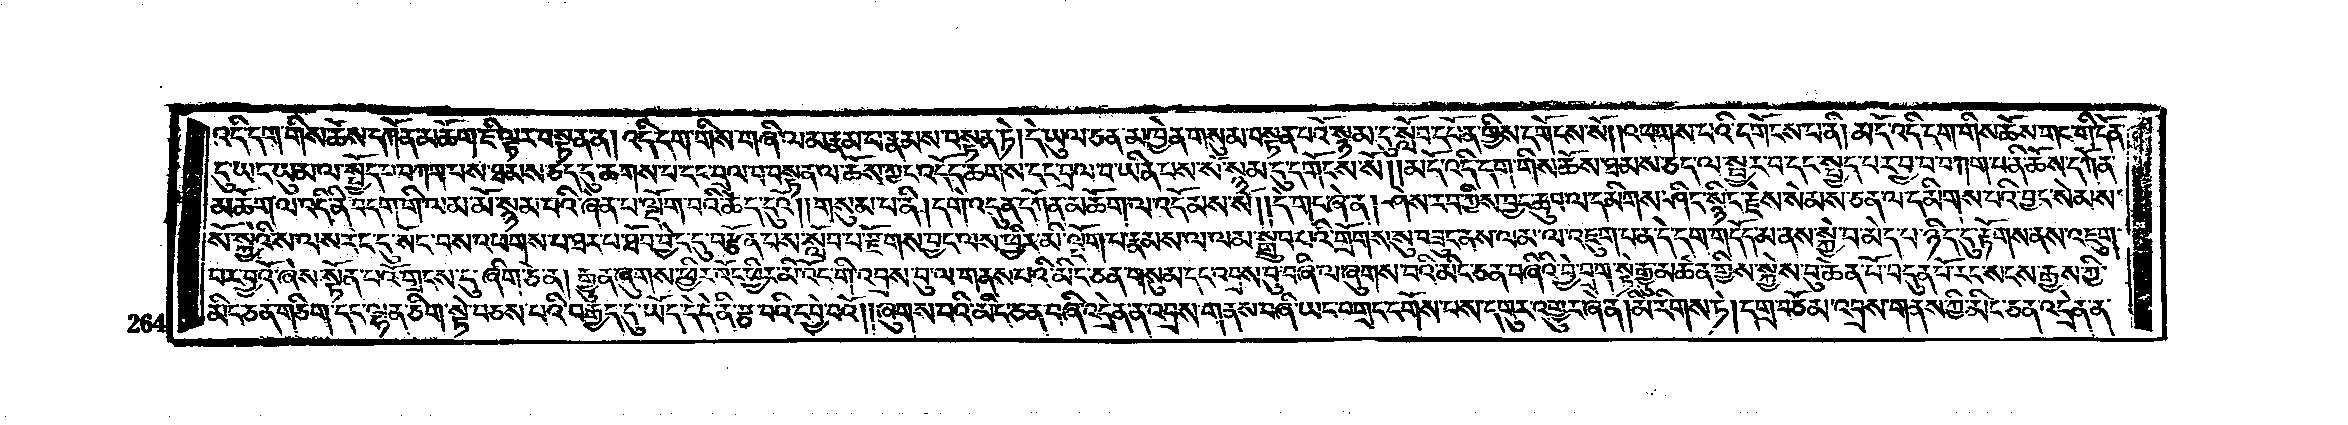འདི་དག་གིས་ཆོས་དཀོན་མཆོག་ཇི་ལྟར་བསྟན་ན། འདི་དག་གིས་གཞི་ལམ་རྣམ་པ་རྣམས་བསྟན་ཏེ། དེ་ཡུལ་ཅན་མཁྱེན་གསུམ་བསྟན་པའོ་སྙམ་དུ་སློབ་དཔོན་གྱིས་དགོངས་སོ། །འཕགས་པའི་དགོངས་པ་ནི། མདོ་འདི་དག་གིས་ཆོས་གང་གི་དོན་
དུ་ཡང་ཡུམ་ལ་སྤྱོད་པ་བཀག་པས་ཐམས་ཅད་དུ་ཆགས་པ་དང་བྲལ་བ་བསྟན་ལ་ཆོས་ཀྱང་འདོད་ཆགས་དང་བྲལ་བ་ཡིན་པས་སོ་སྙམ་དུ་དགོངས་སོ། །མདོ་འདི་དག་གིས་ཆོས་ཐམས་ཅད་ལ་སྦྱར་བ་དང་སྤྱད་པར་བྱ་བ་བཀག་པ་ནི་ཆོས་དཀོན་
མཆོག་ལ་འདི་ནི་བདག་གི་ལམ་མོ་སྙམ་པའི་ཞེན་པ་ལྡོག་པའི་ཆེད་དུའོ། །གསུམ་པ་ནི། དགེ་འདུན་དཀོན་མཆོག་ལ་འདོམས་སོ། །དེ་གང་ཞེ་ན། ཤེས་རབ་ཀྱིས་བྱང་ཆུབ་ལ་དམིགས་ཤིང་སྙིང་རྗེས་སེམས་ཅན་ལ་དམིགས་པའི་བྱང་སེམས་
སོ་སྐྱེའི་ས་ལས་རིང་དུ་སོང་བས་འཕགས་པ་ཐར་པ་ཐོབ་བྱེད་དུ་བརྩོན་པས་སློབ་པ་རྫོགས་བྱང་ལས་ཕྱིར་མི་ལྡོག་པ་རྣམས་ལ་ལམ་སྒྲུབ་པའི་གྲོགས་སུ་བཟུང་ནས་ལམ་ལ་འཇུག་པ་ན་དེ་དག་གདོད་མ་ནས་སྐྱེ་བ་མེད་པ་ཉིད་དུ་རྟོགས་ནས་འཇུག་
བར་བྱའོ་ཞེས་སྟོན་པའོ་གྲངས་དུ་ཞིག་ཅེ་ན། རྒྱུན་ཞུགས་ཕྱིར་འོང་ཕྱིར་མི་འོང་གི་འབྲས་བུ་ལ་གནས་པའི་མིང་ཅན་གསུམ་དང་འབྲས་བུ་བཞི་ལ་ཞུགས་པའི་མིང་ཅན་བཞིའི་བྱེ་བྲག་སྟེ་རྒྱུ་མཚན་གྱིས་སྐྱེས་བུ་ཆེན་པོ་བདུན་པོ་རང་སངས་རྒྱས་ཀྱི་
མིང་ཅན་གཅིག་དང་ལྷན་ཅིག་སྟེ་བཅས་པའི་བརྒྱད་དུ་ཡོད་དེ་དེ་ནི་རྩ་བའི་དབྱེ་བའོ། །ཞུགས་པའི་མིང་ཅན་བཞི་འདྲེན་ན་འབྲས་གནས་བཞི་ཡང་བགྲང་དགོས་པས་དགུར་འགྱུར་ཞེ་ན། མི་རིགས་ཏེ། དགྲ་བཅོམ་འབྲས་གནས་ཀྱི་མིང་ཅན་འདྲེན་ན་